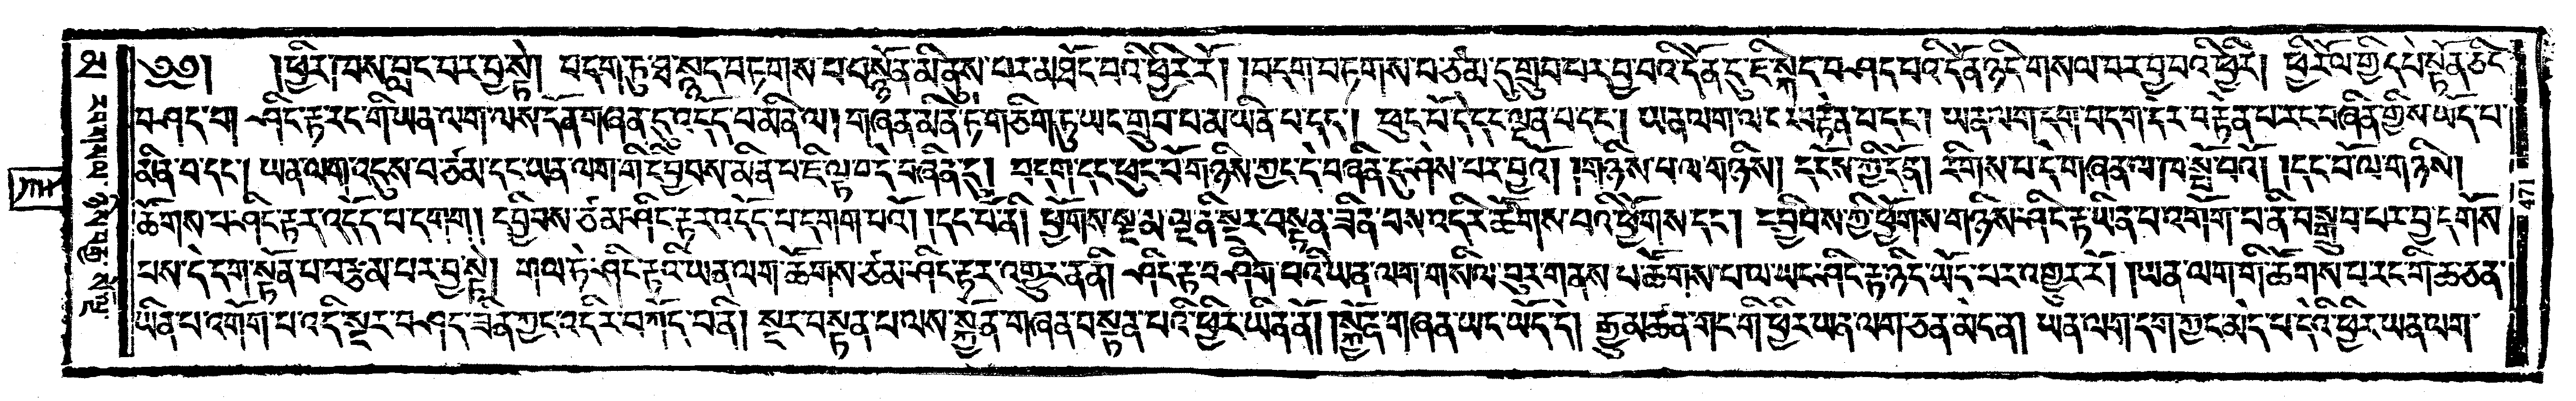༄༅། །ཕྱིར་ཁས་བླང་བར་བྱ་སྟེ། བདག་ཏུ་ཐ་སྙད་བཏགས་པ་བསྙོན་མི་ནུས་པར་མཐོང་བའི་ཕྱིར་རོ། །བདག་བཏགས་པ་ཙམ་དུ་གྲུབ་པར་བྱ་བའི་དོན་དུ་ཇི་སྐད་བཤད་པའི་དོན་ཉིད་གསལ་བར་བྱ་བའི་ཕྱིར། ཕྱི་རོལ་གྱི་དཔེ་སྟོན་ཅིང་
བཤད་པ། ཤིང་རྟ་རང་གི་ཡན་ལག་ལས་དོན་གཞན་དུ་འདོད་པ་མིན་ལ། གཞན་མིན་ཏེ་གཅིག་ཏུ་ཡང་གྲུབ་པ་མ་ཡིན་པ་དང་། ཕུང་པོ་དེ་དང་ལྡན་པ་དང་། ཡན་ལག་ལ་ཕར་བརྟེན་པ་དང་། ཡན་ལག་དག་བདག་དེར་བརྟེན་པ་རང་བཞིན་གྱིས་ཡོད་པ་
མིན་པ་དང་། ཡན་ལག་འདུས་པ་ཙམ་དང་ཡན་ལག་གི་དབྱིབས་མིན་པ་ཇི་ལྟ་བ་དེ་བཞིན་དུ། བདག་དང་ཕུང་པོ་གཉིས་ཀྱང་དེ་བཞིན་དུ་ཤེས་པར་བྱའོ། །གཉིས་པ་ལ་གཉིས། དངོས་ཀྱི་དོན། རིགས་པ་དེ་གཞན་ལ་ཁ་སྤོ་བའོ། །དང་པོ་ལ་གཉིས།
ཚོགས་པ་ཤིང་རྟར་འདོད་པ་དགག། དབྱིབས་ཙམ་ཤིང་རྟར་འདོད་པ་དགག་པའོ། །དང་པོ་ནི། ཕྱོགས་སྔ་མ་ལྔ་ནི་སྔར་བསྟན་ཟིན་པས་འདིར་ཚོགས་པའི་ཕྱོགས་དང་། དབྱིབས་ཀྱི་ཕྱོགས་གཉིས་ཤིང་རྟ་ཡིན་པ་འགོག་པ་ནི་བསྒྲུབ་པར་བྱ་དགོས་
པས་དེ་དག་སྟོན་པ་བརྩམ་པར་བྱ་སྟེ། གལ་ཏེ་ཤིང་རྟའི་ཡན་ལག་ཚོགས་ཙམ་ཤིང་རྟར་འགྱུར་ན་ནི། ཤིང་རྟ་བཤིག་པའི་ཡན་ལག་གསིལ་བུར་གནས་པ་ཚོགས་པ་ལ་ཡང་ཤིང་རྟ་ཉིད་ཡོད་པར་འགྱུར་རོ། །ཡན་ལག་གི་ཚོགས་པ་རང་གི་ཆ་ཅན་
ཡིན་པ་འགོག་པ་འདི་སྔར་བཤད་ཟིན་ཀྱང་འདིར་བཀོད་པ་ནི། སྔར་བསྟན་པ་ལས་སྐྱོན་གཞན་བསྟན་པའི་ཕྱིར་ཡིན་ནོ། །སྐྱོན་གཞན་ཡང་ཡོད་དེ། རྒྱུ་མཚན་གང་གི་ཕྱིར་ཡན་ལག་ཅན་མེད་ན། ཡན་ལག་དག་ཀྱང་མེད་པ་དེའི་ཕྱིར་ཡན་ལག་